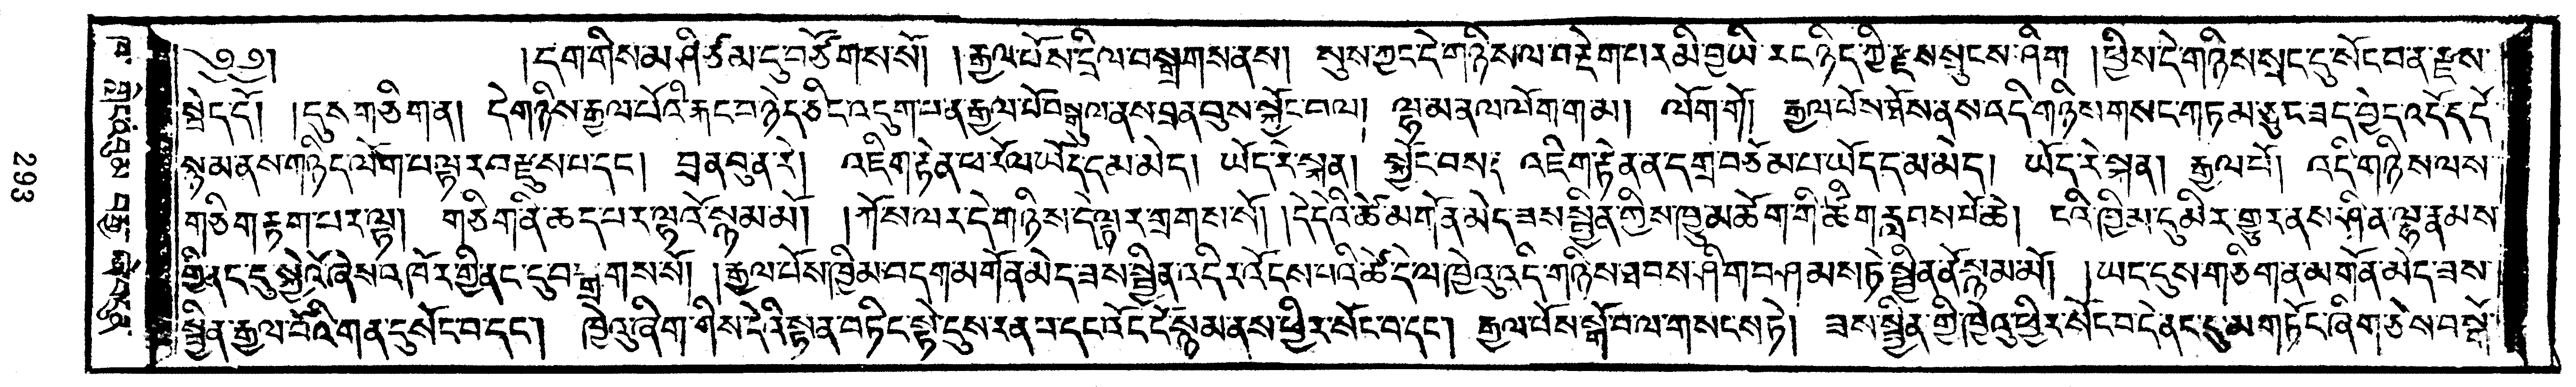༄༅། །དག་གིས་མ་ཤི་ཙམ་དུ་བཙོགས་སོ། །རྒྱལ་པོས་དྲིལ་བསྒྲགས་ནས། སུས་ཀྱང་དེ་གཉིས་ལ་བརྡེག་པར་མི་བྱ་ཡི་རང་ཉིད་ཀྱི་རྫས་སྲུང་ཤིག །ཕྱིས་དེ་གཉིས་སྲང་དུ་སོང་བ་ན་རྫས་
སྦེད་དོ། །དུས་གཅིག་ན། དེ་གཉིས་རྒྱལ་པོའི་རྐང་བ་ཉེད་ཅིང་འདུག་པ་ན་རྒྱལ་པོ་བསྒུལ་ནས་བྲན་བུས་སྐྱོང་བ་ལ། ལྷ་མནལ་ལོག་གམ། ལོག་གོ། རྒྱལ་པོས་ཐོས་ནས་འདི་གཉིས་གསང་གཏམ་ཅུང་ཟད་བྱེད་འདོད་དོ་
སྙམ་ནས་གཉིད་ལོག་བལྟར་བརྫུས་པ་དང་། བྲན་བུ་ན་རེ། འཇིག་རྟེན་ཕ་རོལ་ཡོད་དམ་མེད། ཡོད་རེ་སྐན། སྐྱོང་བས༑ འཇིག་རྟེན་ན་དགྲ་བཅོམ་པ་ཡོད་དམ་མེད། ཡོད་རེ་སྐན། རྒྱལ་པོ། འདི་གཉིས་ལས་
གཅིག་རྟག་པར་ལྟ། གཅིག་ནི་ཆད་པར་ལྟའོ་སྙམ་མོ། །ཀོ་ས་ལར་དེ་གཉིས་དེ་ལྟར་གྲགས་སོ། །དེ་དེའི་ཚེ་མགོན་མེད་ཟས་སྦྱིན་གྱིས་ཁྱུ་མཆོག་གི་ཚིག་རླབས་པོ་ཆེ། ངའི་ཁྱིམ་དུ་མིར་གྱུར་ནས་ཤིན་ལྷ་རྣམས་
གྱི་ནང་དུ་སྐྱེའོ་ཞེས་འཁོར་གྱི་ནང་དུ་བསྒྲགས་སོ། །རྒྱལ་པོས་ཁྱིམ་བདག་མགོན་མེད་ཟས་སྦྱིན་འདིར་འོངས་པའི་ཚེ་དེ་ལ་ཁྱེའུ་འདི་གཉིས་ཐབས་ཤིག་བཤམས་ཏེ་སྦྱིན་ནོ་སྙམ་མོ། །ཡང་དུས་གཅིག་ན་མགོན་མེད་ཟས་
སྦྱིན་རྒྱལ་པོའི་གན་དུ་སོང་བ་དང་། ཁྱེའུ་ཞིག་གིས་དེའི་སྟན་བཏིང་སྟེ་དུས་རན་པ་དང་འོང་ངོ་སྙམ་ནས་ཕྱིར་སོང་བ་དང་། རྒྱལ་པོས་སྒོ་བ་ལ་གསངས་ཏེ། ཟས་སྦྱིན་གྱི་ཁྱེའུ་ཕྱིར་སོང་བ་དེ་ནང་དུ་མ་གཏོང་ཞིག་ཅེས་བསྒོ་